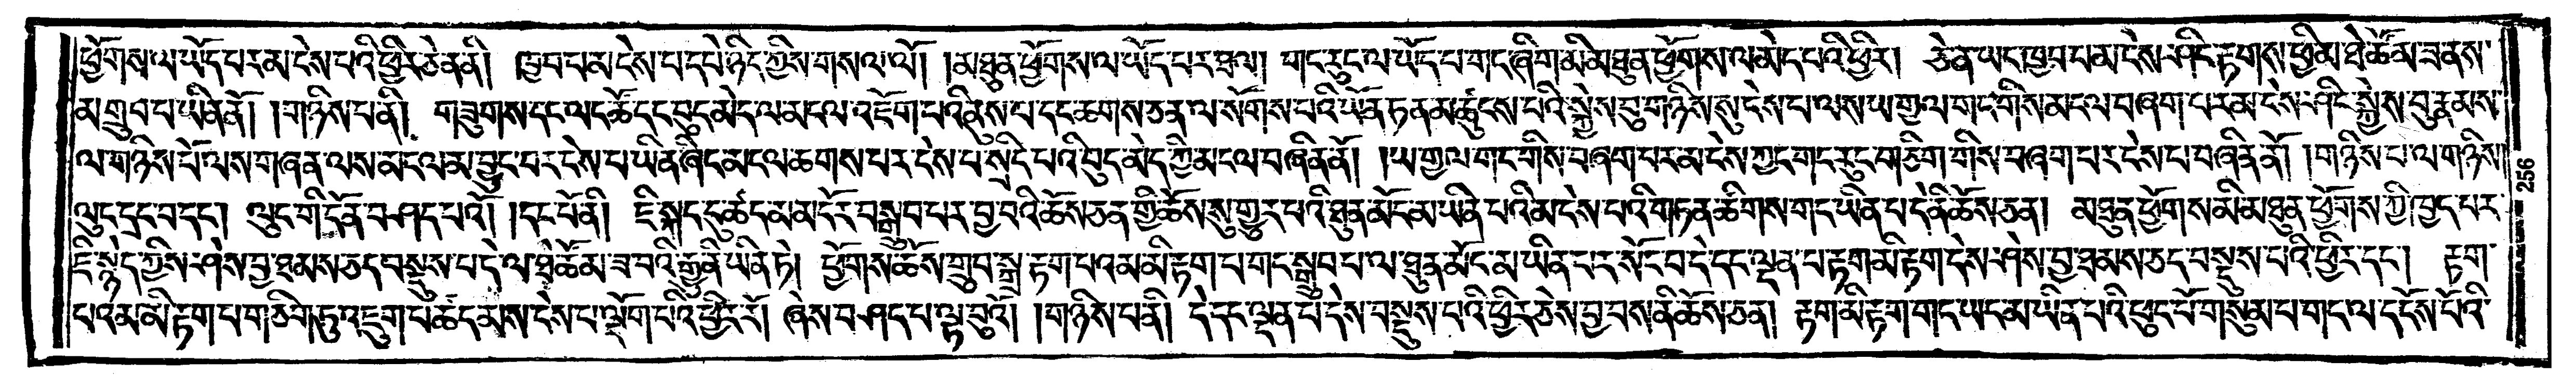ཕྱོགས་ལ་ཡོད་པར་མ་ངེས་པའི་ཕྱིར་ཅེ་ན་ནི། ཁྱབ་པ་མ་ངེས་པ་དཔེ་ཉིད་ཀྱིས་གསལ་ལོ། །མཐུན་ཕྱོགས་ལ་ཡོད་པར་ཐལ། གང་རུང་ལ་ཡོད་པ་གང་ཞིག་མི་མཐུན་ཕྱོགས་ལ་མེད་པའི་ཕྱིར། ཅེ་ན་ཡང་ཁྱབ་པ་མ་ངེས་ཤིང་རྟགས་ཕྱི་མ་ཐེ་ཚོམ་ཟ་ནས་
མ་གྲུབ་པ་ཡིན་ནོ། །གཉིས་པ་ནི། གཟུགས་དང་ལང་ཆོ་དང་བུད་མེད་ལ་མངལ་འཇོག་པའི་ནུས་པ་དང་ཆགས་ཅན་ལ་སོགས་པའི་ཡོན་ཏན་མཚུངས་པའི་སྐྱེས་བུ་གཉིས་སུ་ངེས་པ་ལས་ཡ་གྱལ་གང་གིས་མངལ་བཞག་པར་མ་ངེས་ཤིང་སྐྱེས་བུ་རྣམས་
ལ་གཉིས་པོ་ལས་གཞན་ལས་མངལ་ལ་བྱུང་བར་ངེས་པ་ཡིན་ཞིང་མངལ་ཆགས་པར་ངེས་པ་སྲིད་པའི་བུད་མེད་ཀྱི་མངལ་བཞིན་ནོ། །ཡ་གྱལ་གང་གྱིས་བཞག་པར་མ་ངེས་ཀྱང་གང་རུང་གཅིག་གིས་བཞག་པར་ངེས་པ་བཞི་ནོ། །གཉིས་པ་ལ་གཉིས་
ལུང་དྲང་བ་དང་། ལུང་གི་དོན་བཤད་པའོ། །དང་པོ་ནི། ཇི་སྐད་དུ་ཚད་མ་མདོར་བསྒྲུབ་པར་བྱ་བའི་ཆོས་ཅན་གྱི་ཆོས་སུ་གྱུར་པའི་ཐུན་མོངས་པ་ཡིན་པའི་མ་ངེས་པའི་གཏན་ཚིགས་གང་ཡིན་པ་དེ་ནི་ཆོས་ཅན། མཐུན་ཕྱོགས་མི་མཐུན་ཕྱོགས་ཀྱི་ཁྱད་པར་
ཇི་སྙེད་ཀྱིས་ཤེས་བྱ་ཐམས་ཅད་བསྡུས་པ་དེ་ལ་ཐེ་ཚོམ་ཟ་བའི་རྒྱུ་ནི་ཡིན་ཏེ། ཕྱོགས་ཆོས་གྲུབ་སྒྲ་རྟག་པའམ་མི་རྟག་པ་གང་སྒྲུབ་པ་ལ་ཐུན་མོང་མ་ཡིན་པར་སོང་བ་དེ་དང་ལྡན་པ་རྟག་མི་རྟག་དེས་ཤེས་བྱ་ཐམས་ཅད་བསྡུས་པའི་ཕྱིར་དང་། རྟག་
པའམ་མི་རྟག་པ་གཅིག་ཏུ་འཇུག་པ་ཚད་མས་ངེས་པ་ལྡོག་པའི་ཕྱིར་རོ། ཞེས་བཤད་པ་ལྟ་བུའོ། །གཉིས་པ་ནི། དེ་དང་ལྡན་པ་དེས་བསྡུས་པའི་ཕྱིར་ཅེས་བྱ་བས་ནི་ཆོས་ཅན། རྟག་མི་རྟག་གང་ཡང་མ་ཡིན་པའི་ཕུང་པོ་གསུམ་པ་གང་ལ་དངོས་པོའི་